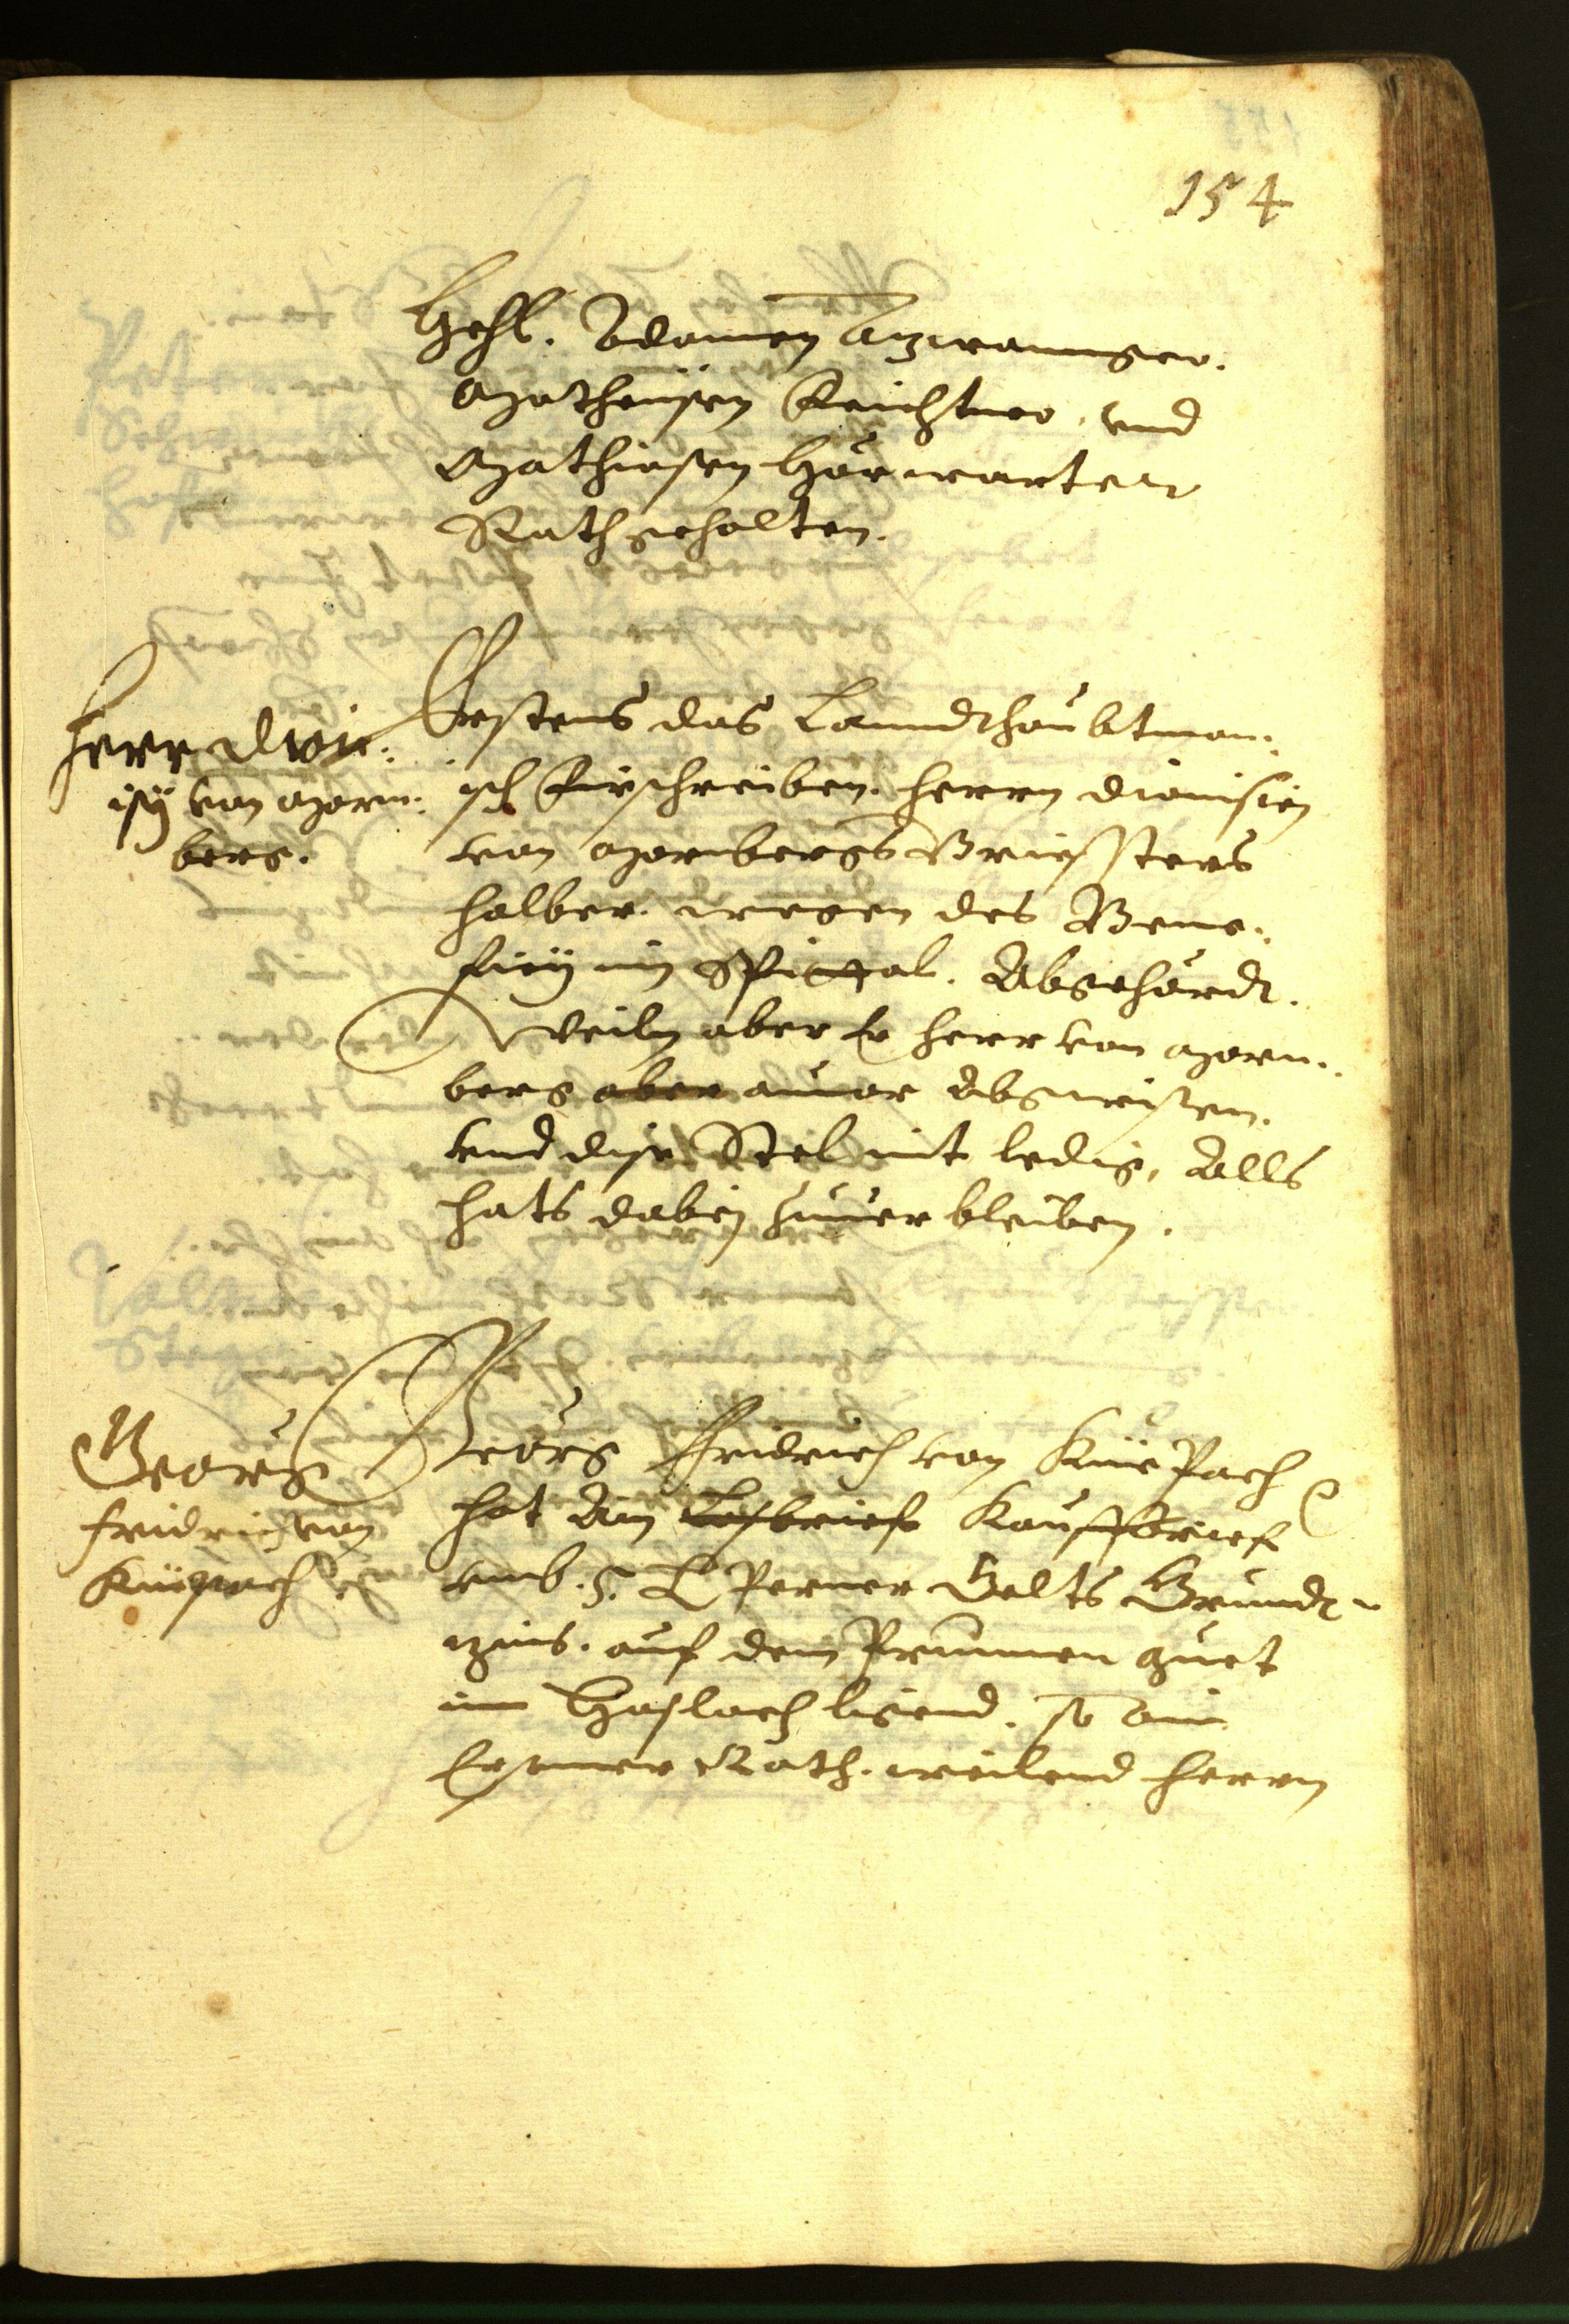154
Hehl. Adamen Azwannger.
Matheüsen Feichtner. vnd
Mathiasen Hōrwarter
Rath gehalten.
Erstens das Lanndthaūbtman¬
isch Firschreiben. herrn dionisien
von Mornbergs Briessters
halber. wegen des Bene¬
ficÿ im Spittal. Abgehōrdt.
Weiln aber Er herr von Morn¬
berg aber anvor Abgwisen.
vnd dise Stel nit ledig, Alls
hats dabej Zūūerbleiben.
Herr Dion¬
isÿ von Morn¬
berg.
Geōrg Fridrich von Küe Pach etc
hat Ain Losbrief Kaūffbrief
vmb .5. L Perner Gelts Grūndt¬
zins. aūf dem Prūnnen gūet
inn Haslach ligend. so Aim
Ersamen Rath. weilend herrn
Geōrg
Fridrich von
Küepach.